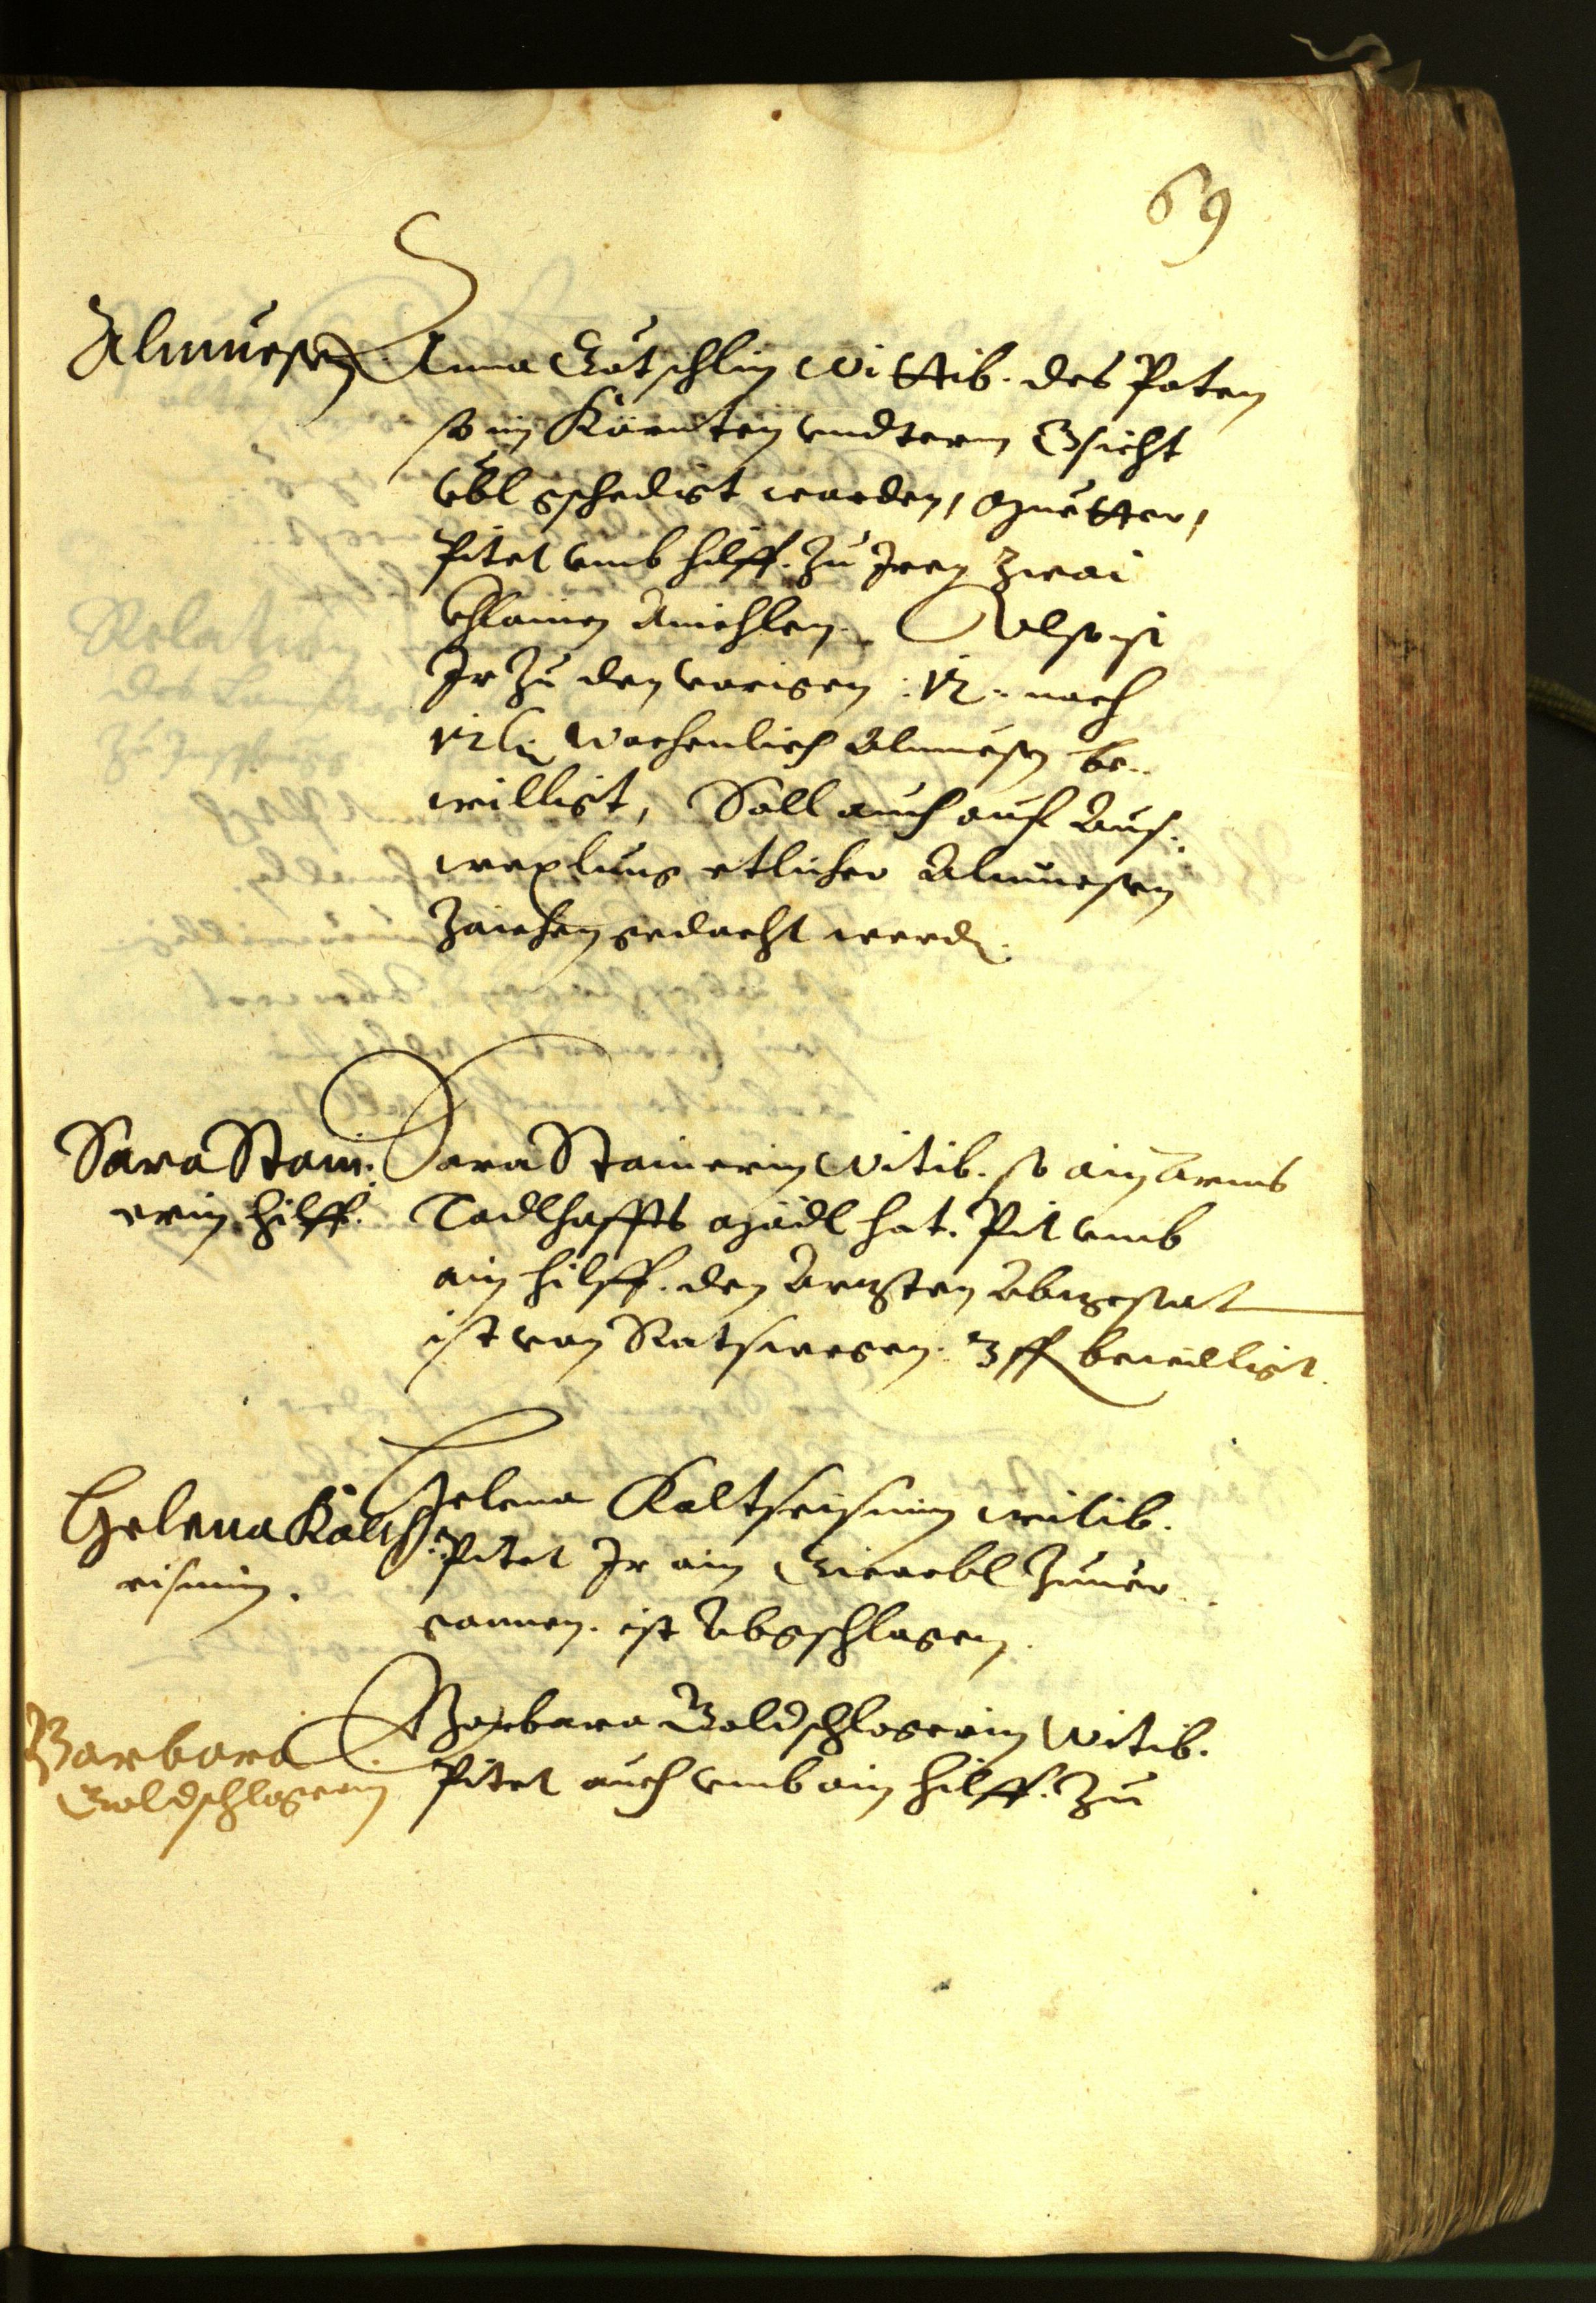69
Anna Gōtschlin Wittib. des Poten
so in Kärnten vndterm Gsicht
v̄bl gschedigt worden, Muētter,
Pitet umb hilff. Zū Iren zwai
klainen Anichlen. Also ist
Ir Zū den vorigen: 12: noch
12 k. Wochenlich Almūesen be¬
willigt, Soll aūch aūf Aūs¬
wexlūng etlicher Almūesen
Zaichen gedacht werd.
Almūesen
Sara Steinerin Witib. so ain Arms
Todlhaffts Mädl hat. Pit umb
ain hilff. den Arzten Abzestat
Ist von Ratswegen: 3 fl bewilligt.
Sara Stain¬
erin hilff.
Helena Kaltseisinn witib.
Pitet Ir ain Gwerbl Zūuēr¬
gonnen. ist Abgschlagen.
Helena Kalts¬
eisinn.
Barbara Goldschlagering Witib.
Pitet aūch umb ain hilff. Zū
Barbara
Goldschlagerin